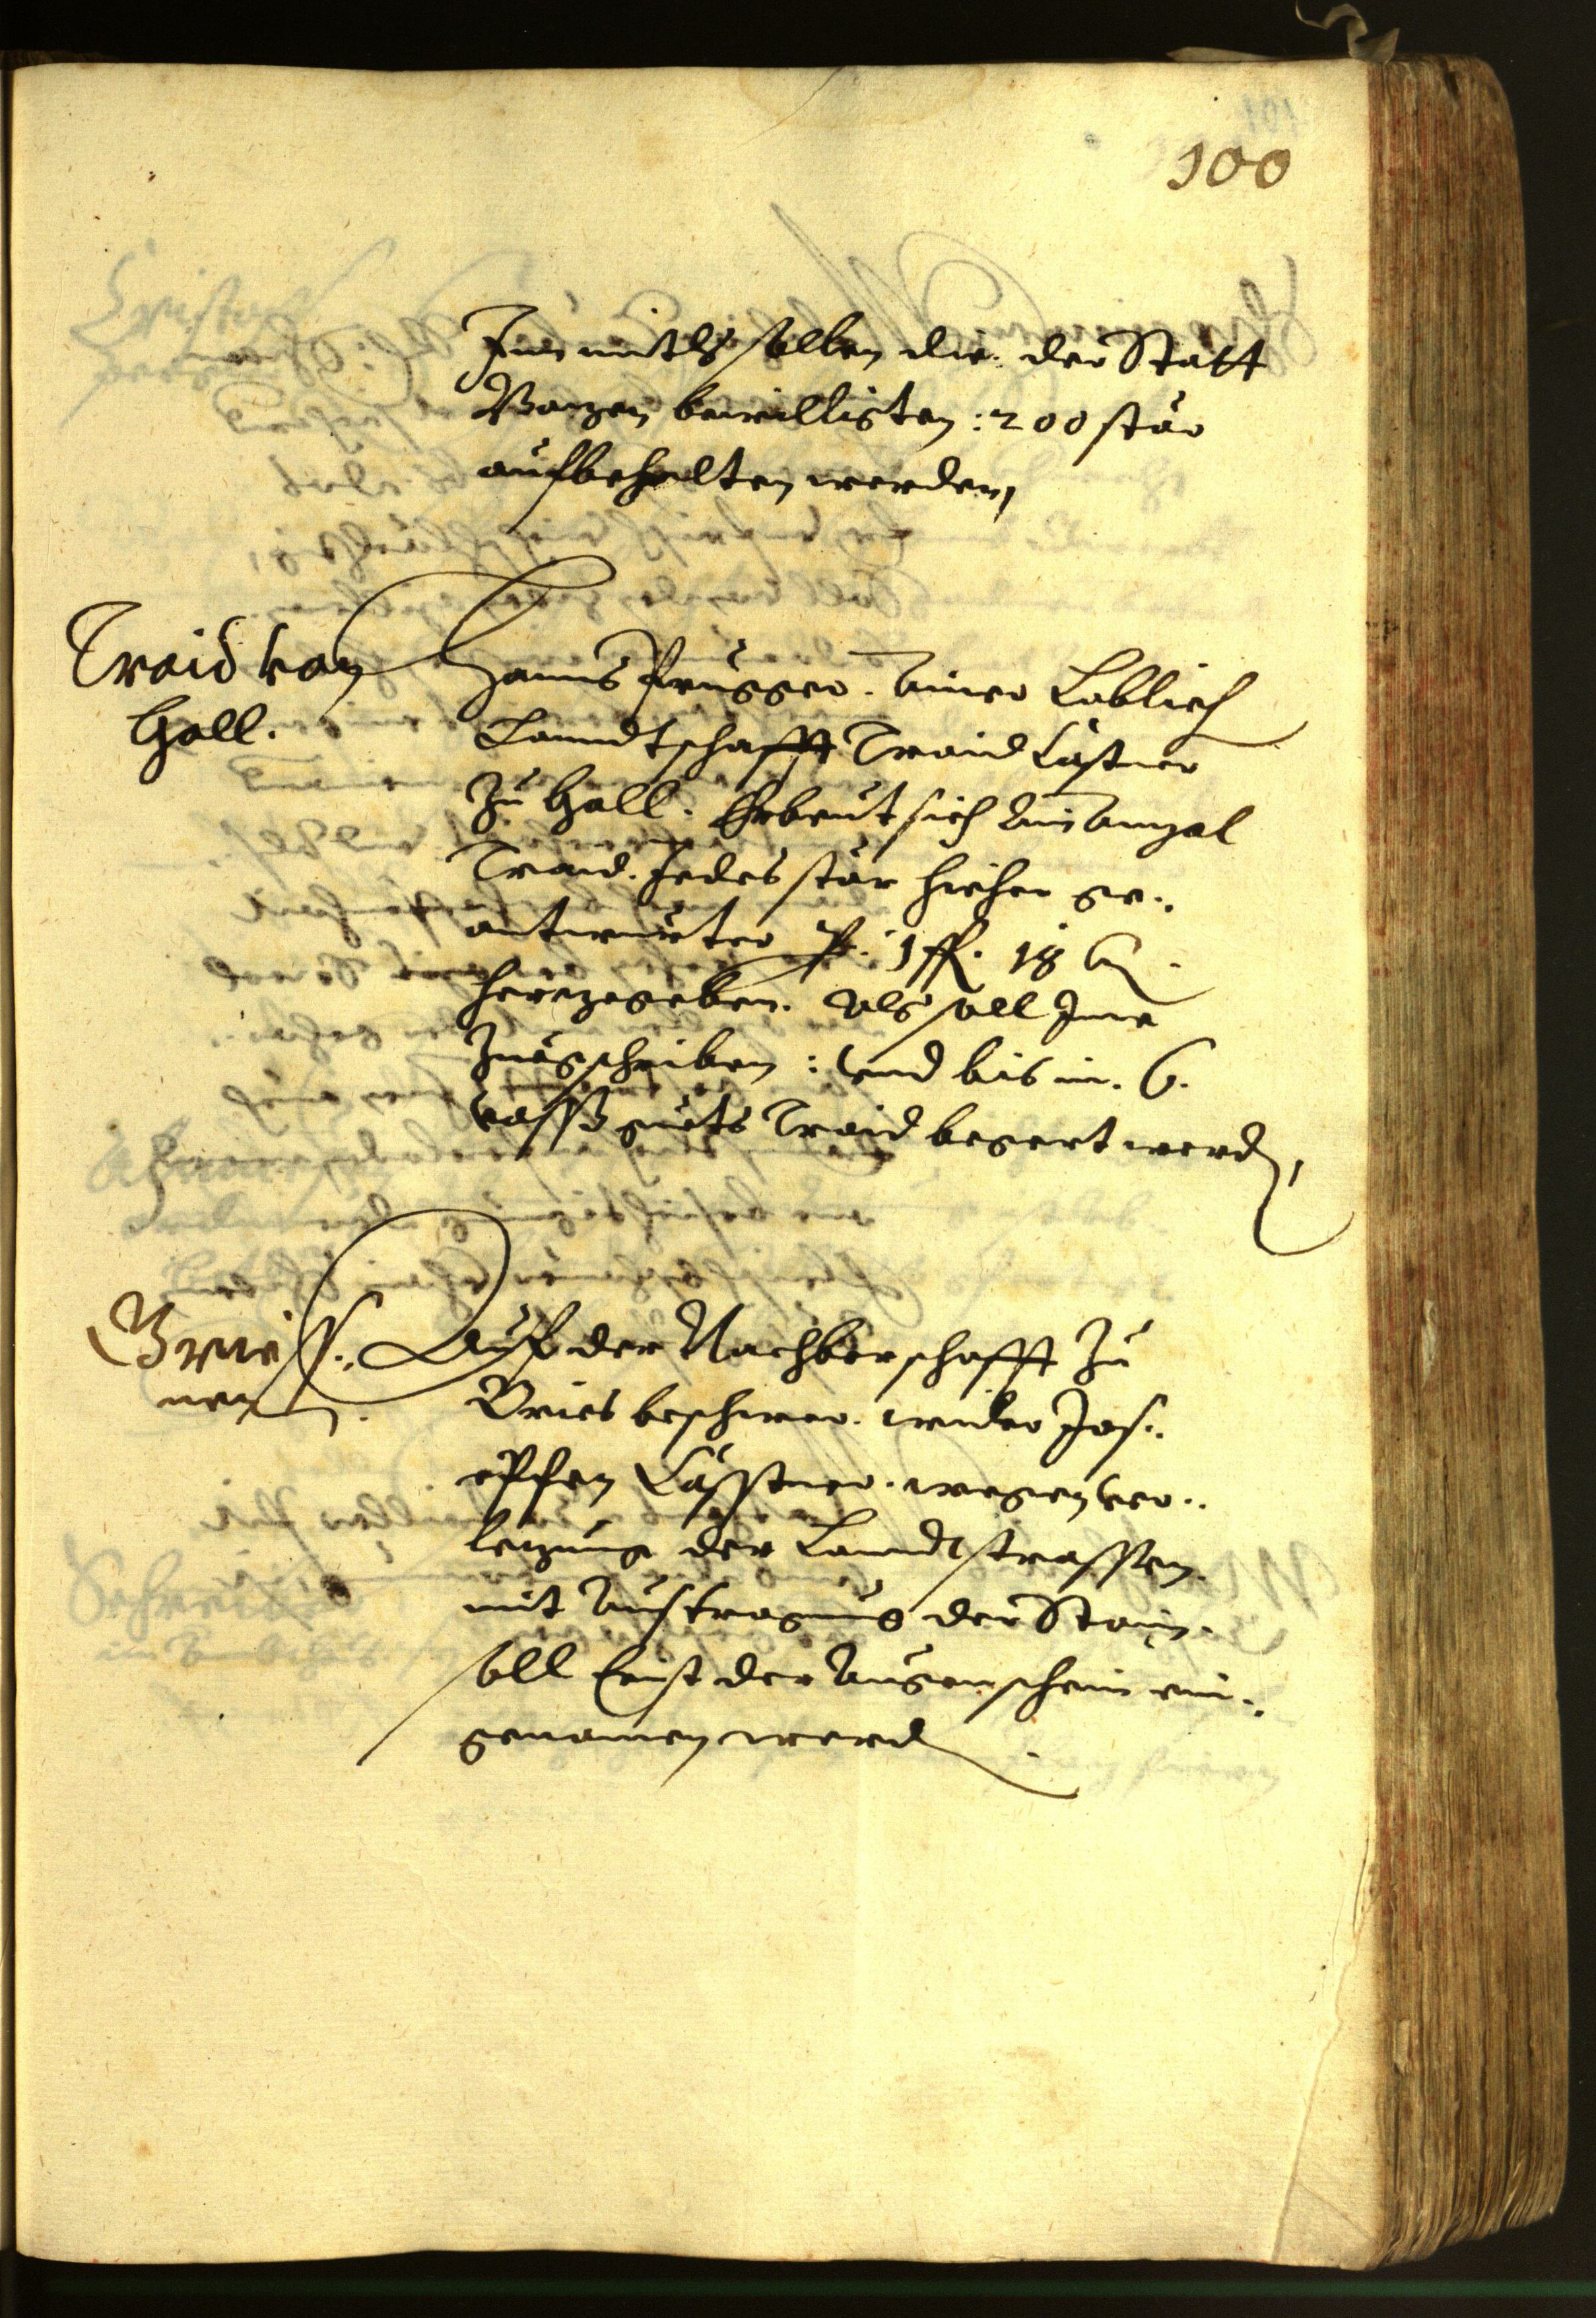100
Inen mitls selben die: der Statt
Bozen bewilligten: 200 stār
aūfbehalten werden,
Hanns Prūgger. Ainer Loblich
Lanndtschafft Traid Cāstner
Zū Hall. Erbeūt sich Ain Anzal
Traid. Jedes stār hieher ge¬
antwūrter P: 1 fl. 18 k.
herzegeben. Als soll Ime
Zūegschriben: vnd bis in .6.
vasß gūets Traid begert werd,
Traid von
Hall.
Aūf der Nachberschafft Zū
Gries beschwer. wider Jos¬
effen Cāsstner. wegen ver¬
lezūng der Landtstrassen.
mit Aūstragūng der Stain.
soll Eeist der Aūgenschein ein¬
genomen werd.
Griess¬
ner.